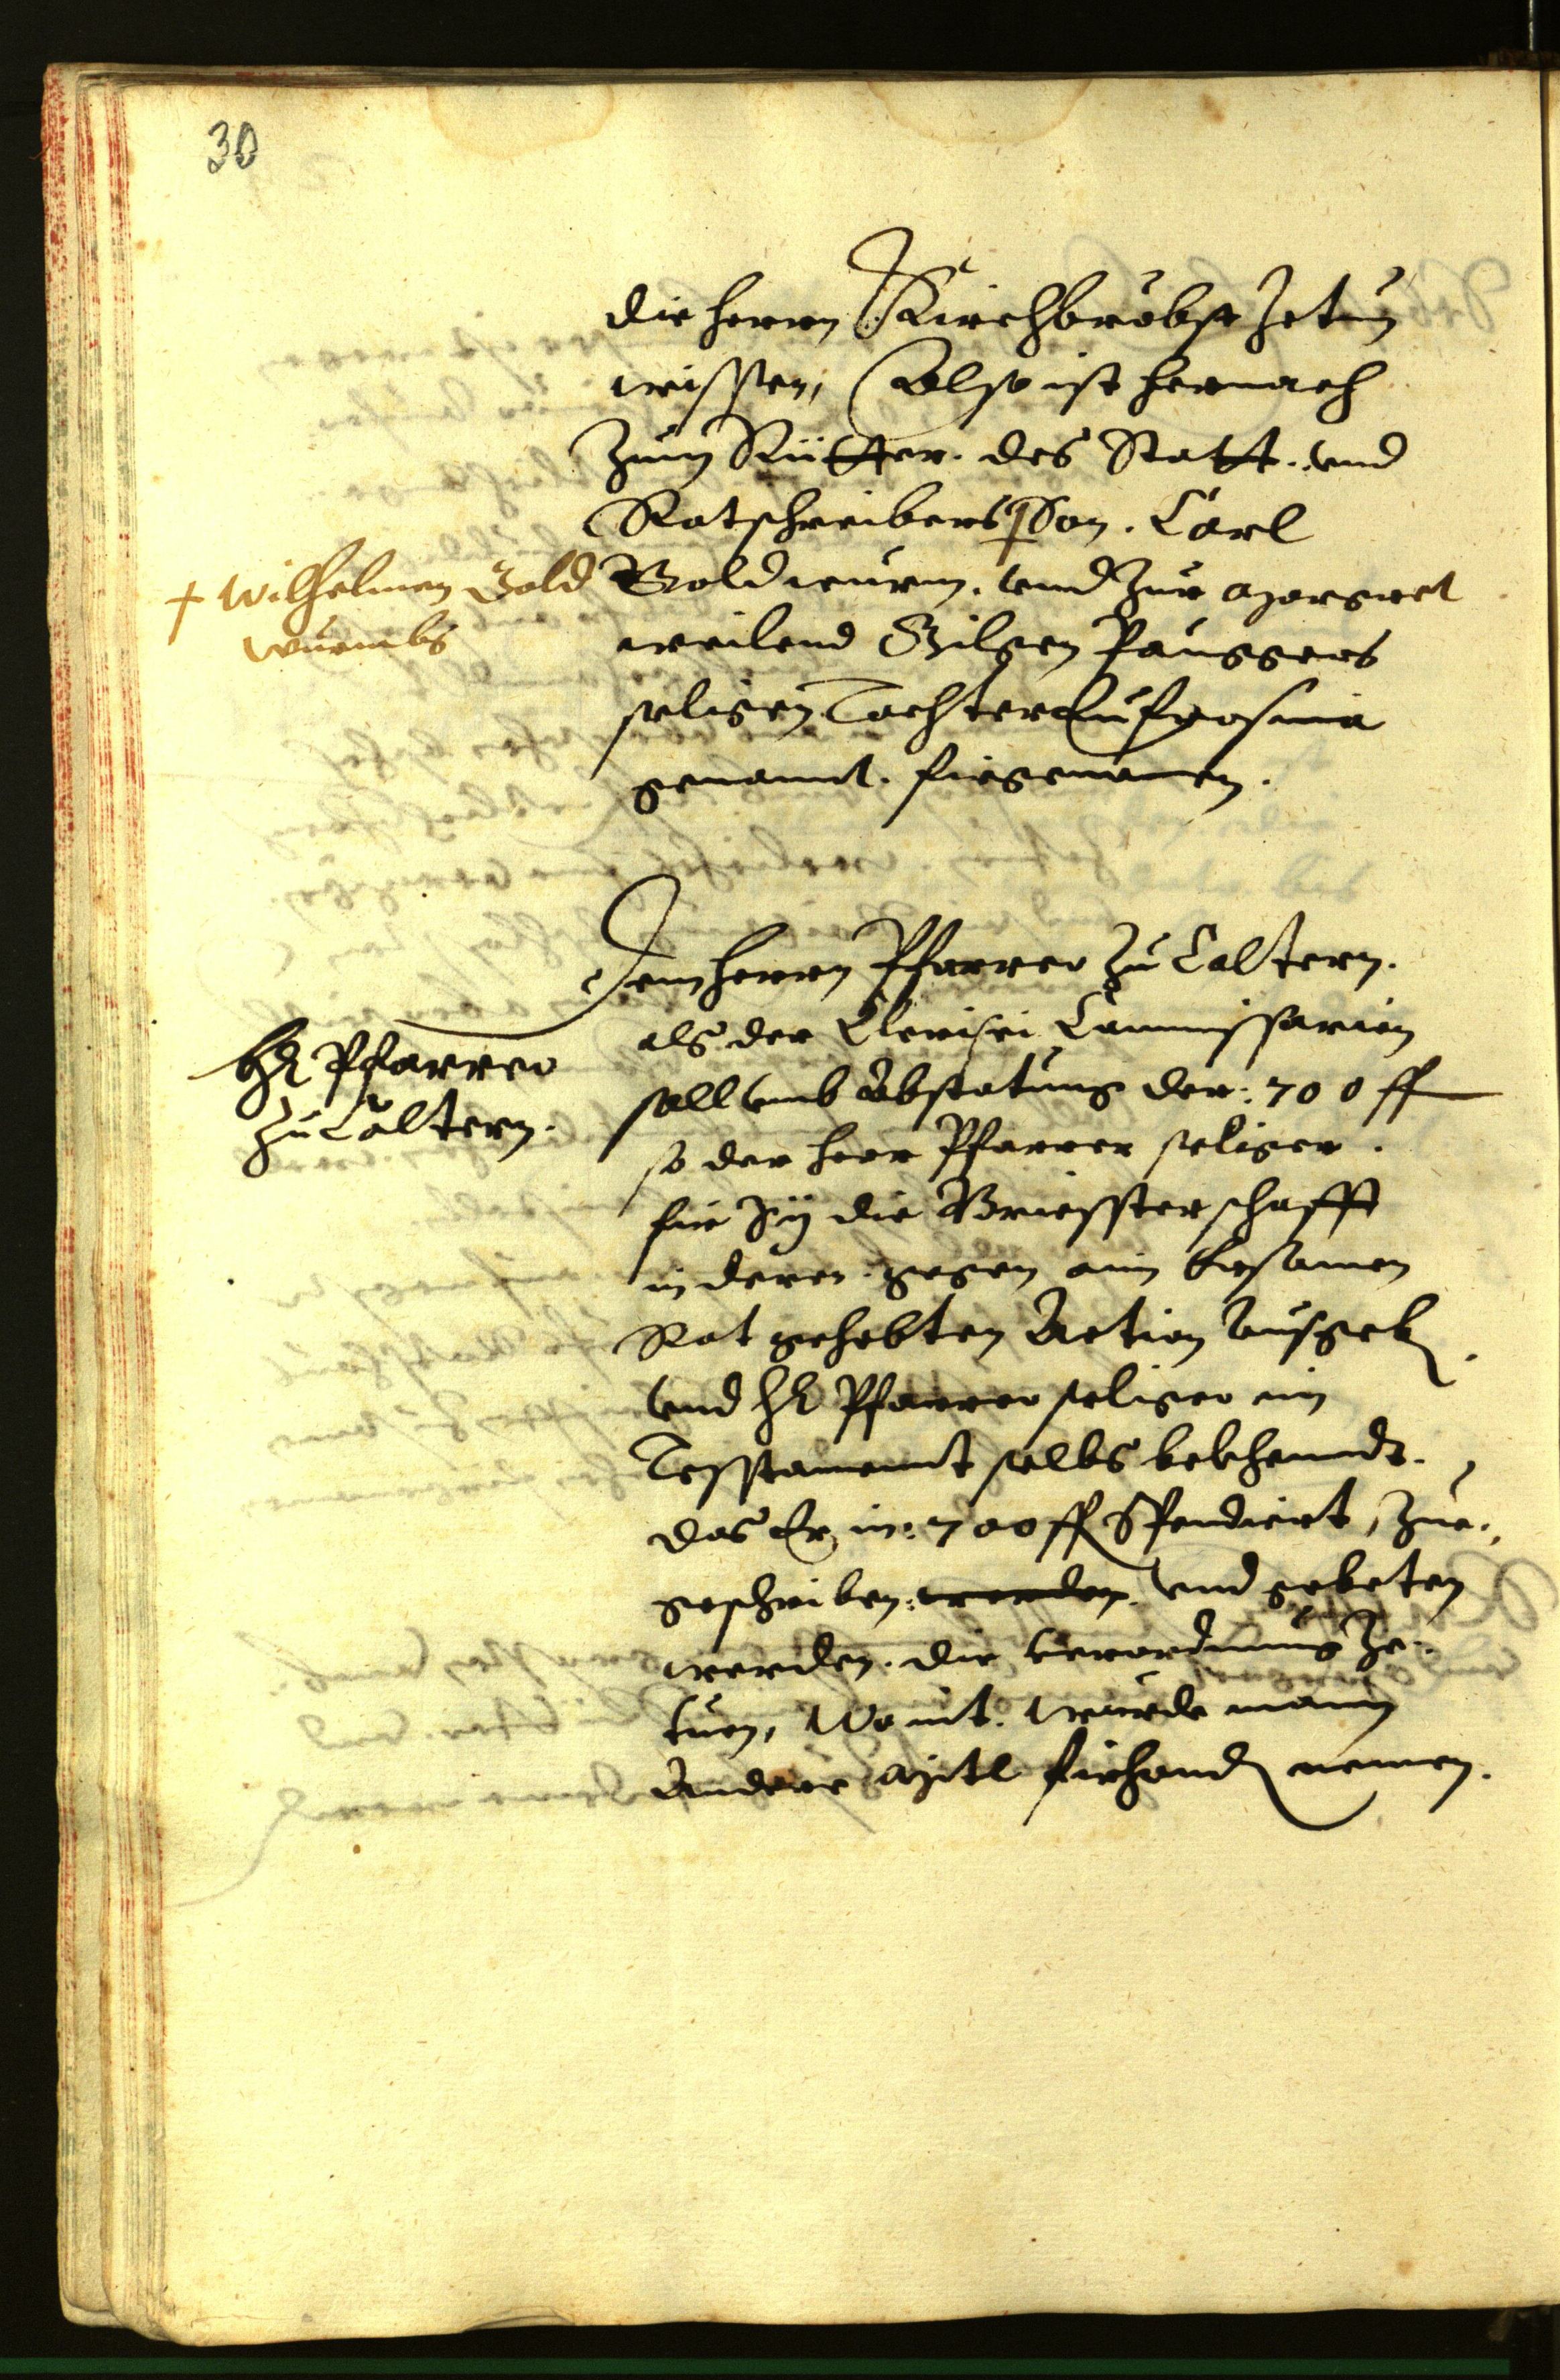30
die herrn Kirchbrobst Zetūn
wissen, Also ist hernach
Zūm Rütter. des Statt- vnd
Ratschreibers + Son. Carl
Goldwūrm. vnd Zūr Morgret
weilend Gilgen Paūggers
Seligen Tochter Eūfrasina
genannt. firgenomen.
+ Wilhelmen Gold¬
wūrmbs
Dem herrn Pfarrer Zū Caltern.
als der Clerisei Commissarien
soll umb Abstatūng der: 700 fl
so der herr Pfarrer seliger.
für Sÿ die Briessterschafft
in deren. gegen ain Ersamen
Rat gehalten Action Aūsgeb
vnd h Pfarrer seliger im
Testament selbs bekhenndt.
das Er in: 700 fl Spendiert, Zūe¬
geschriben: werden. vnd gebeten
werden. die verordnūng Ze¬
tūen, Wo nit. wūrde mann
Andrer Mitl firhand nemen.
H Pfarrer
Zū Caltern.